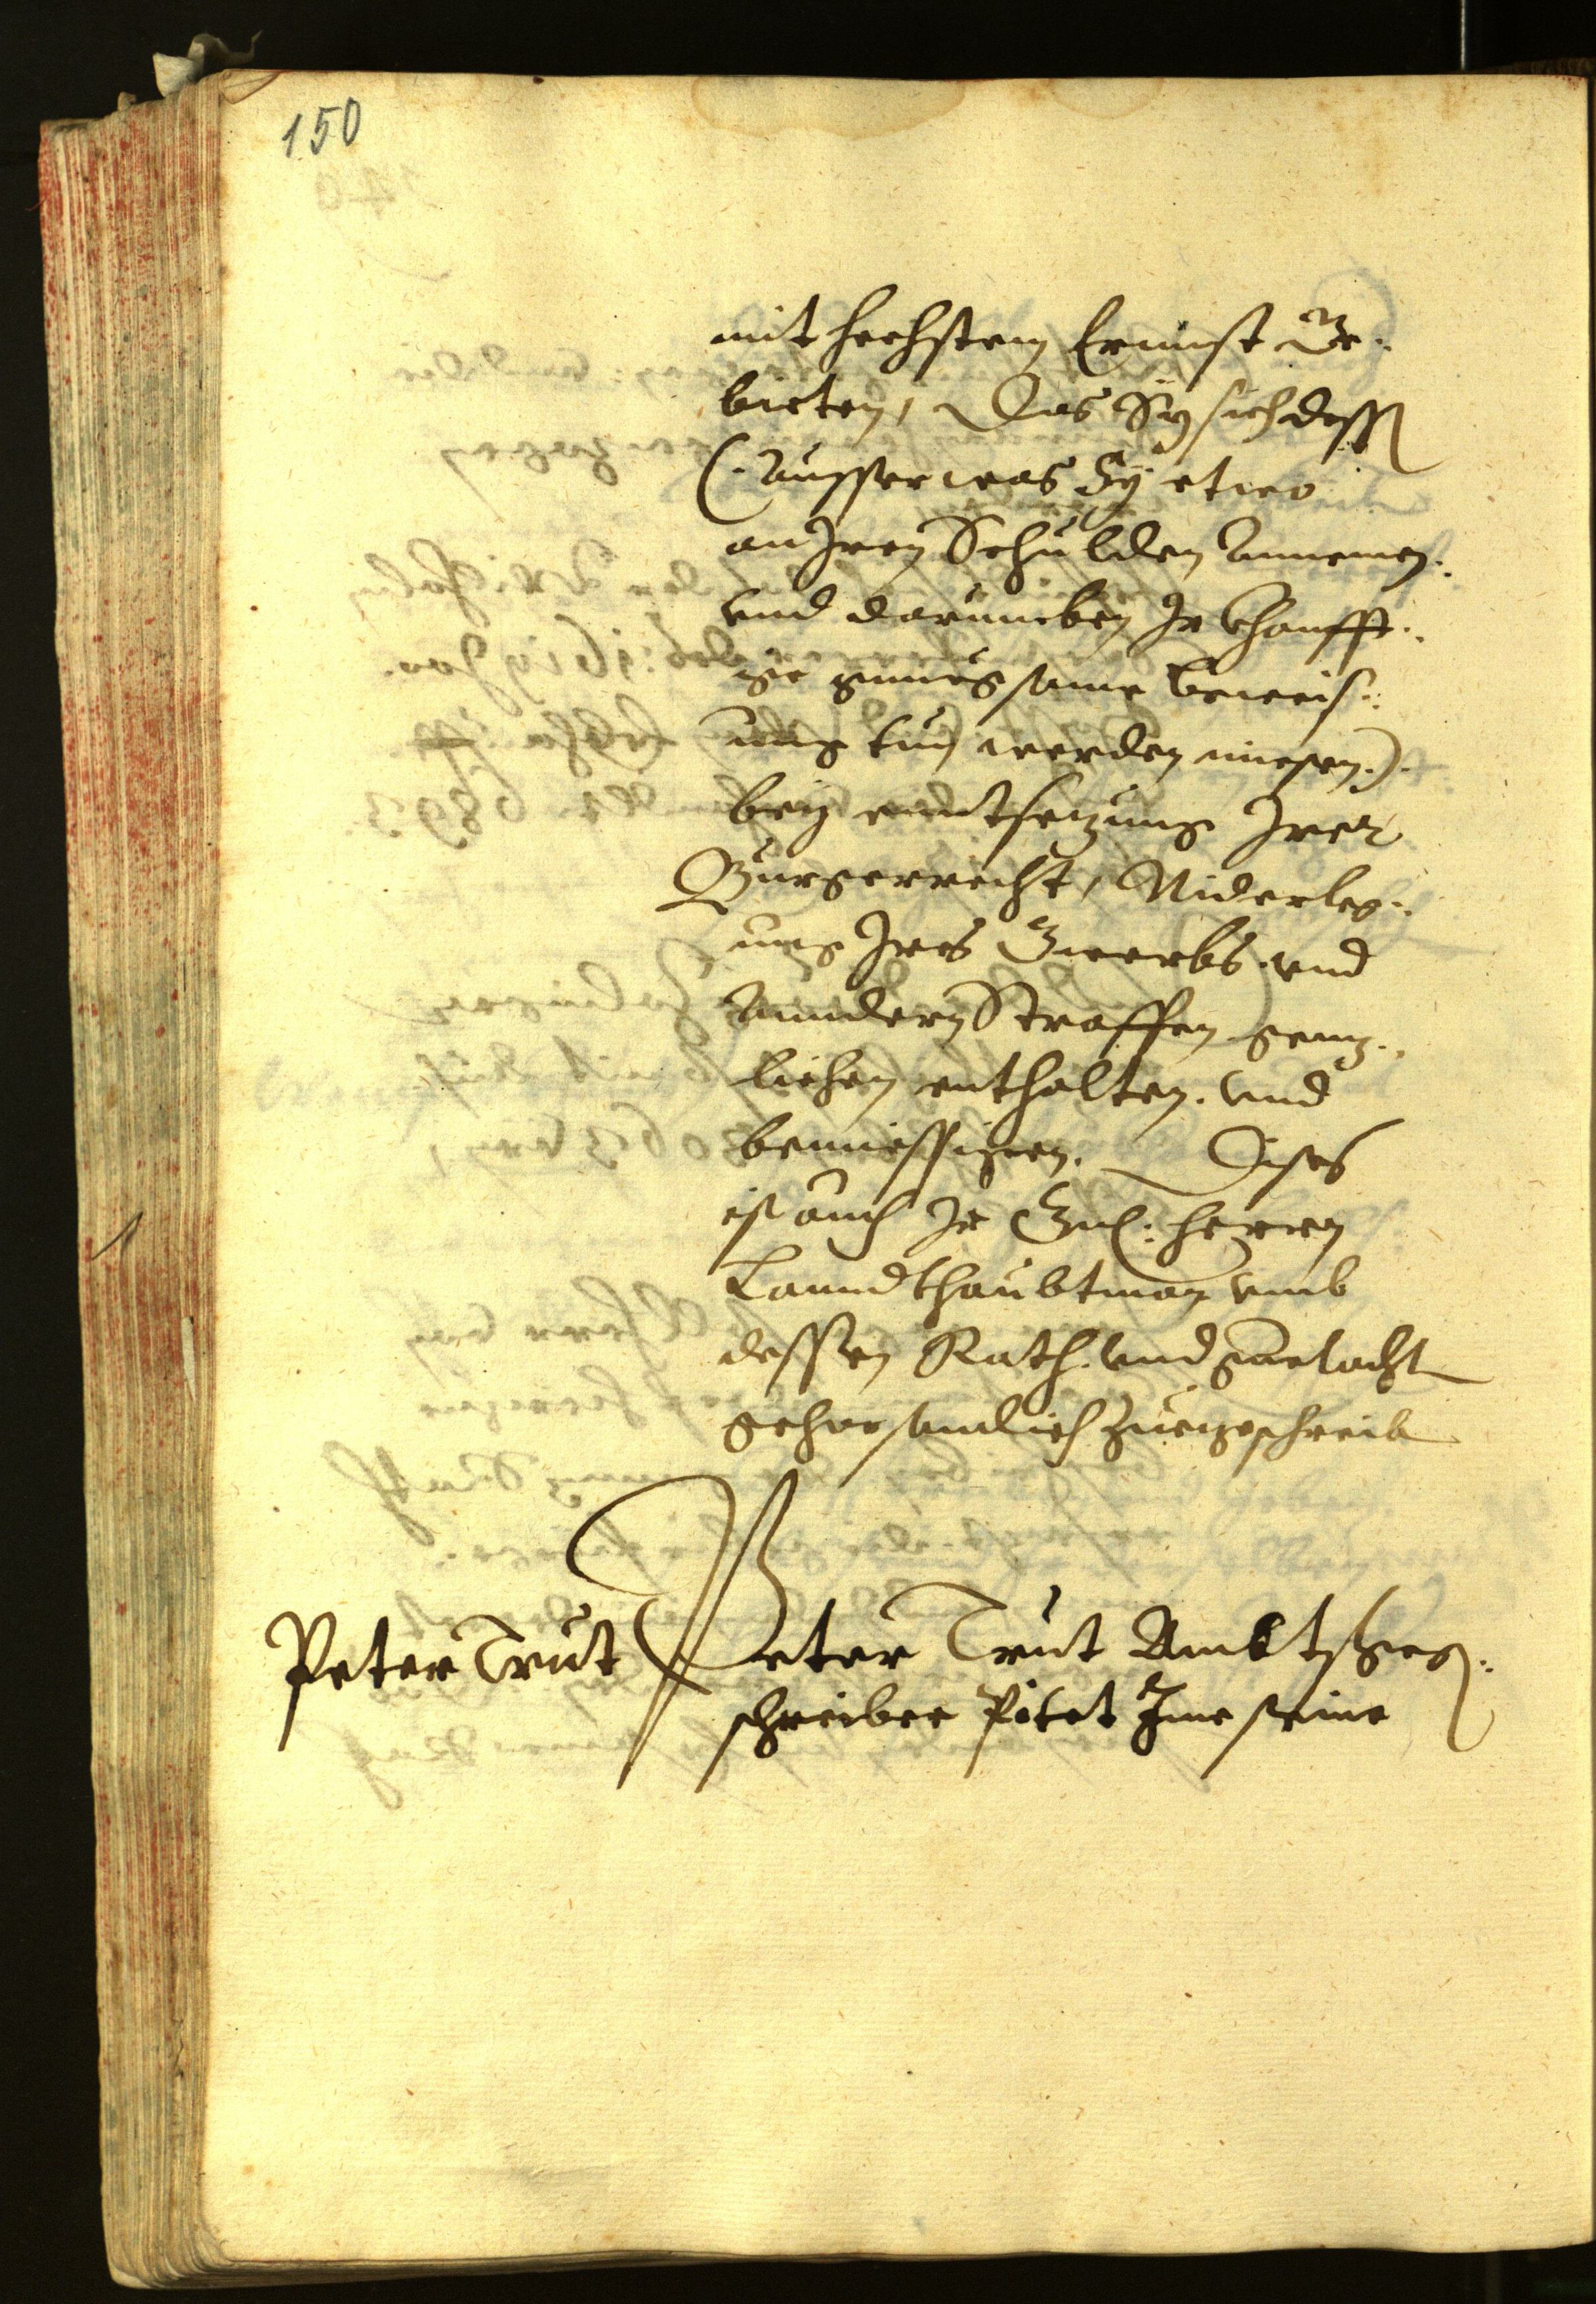150
mit hechstem Ernnst Ge¬
bieten, das Sÿ sich dess
(.aūsser was Sÿ etwa
an Iren Schūlden Annemen¬
vnd darūmben Ir khonnfft¬
ige gnūegsame beweis¬
ūng tūn werden miesen.).
beÿ enntsezūng Irer
Būrgerrecht, Niderleg¬
ūng Ihres Gwerbs. vnd
Anndern Straffen genz¬
lichen enthalten. vnd
bemiessigen. Dises
ist aūch Ir Gn: herrn
Lanndthaūbtman vmb
dessen Rath. vnd gūetacht
gehorsamlich Zūezeschreib.
Peter Trūt Ambtsgeg¬
schreiber Pitet Ime seine
Peter Trūt